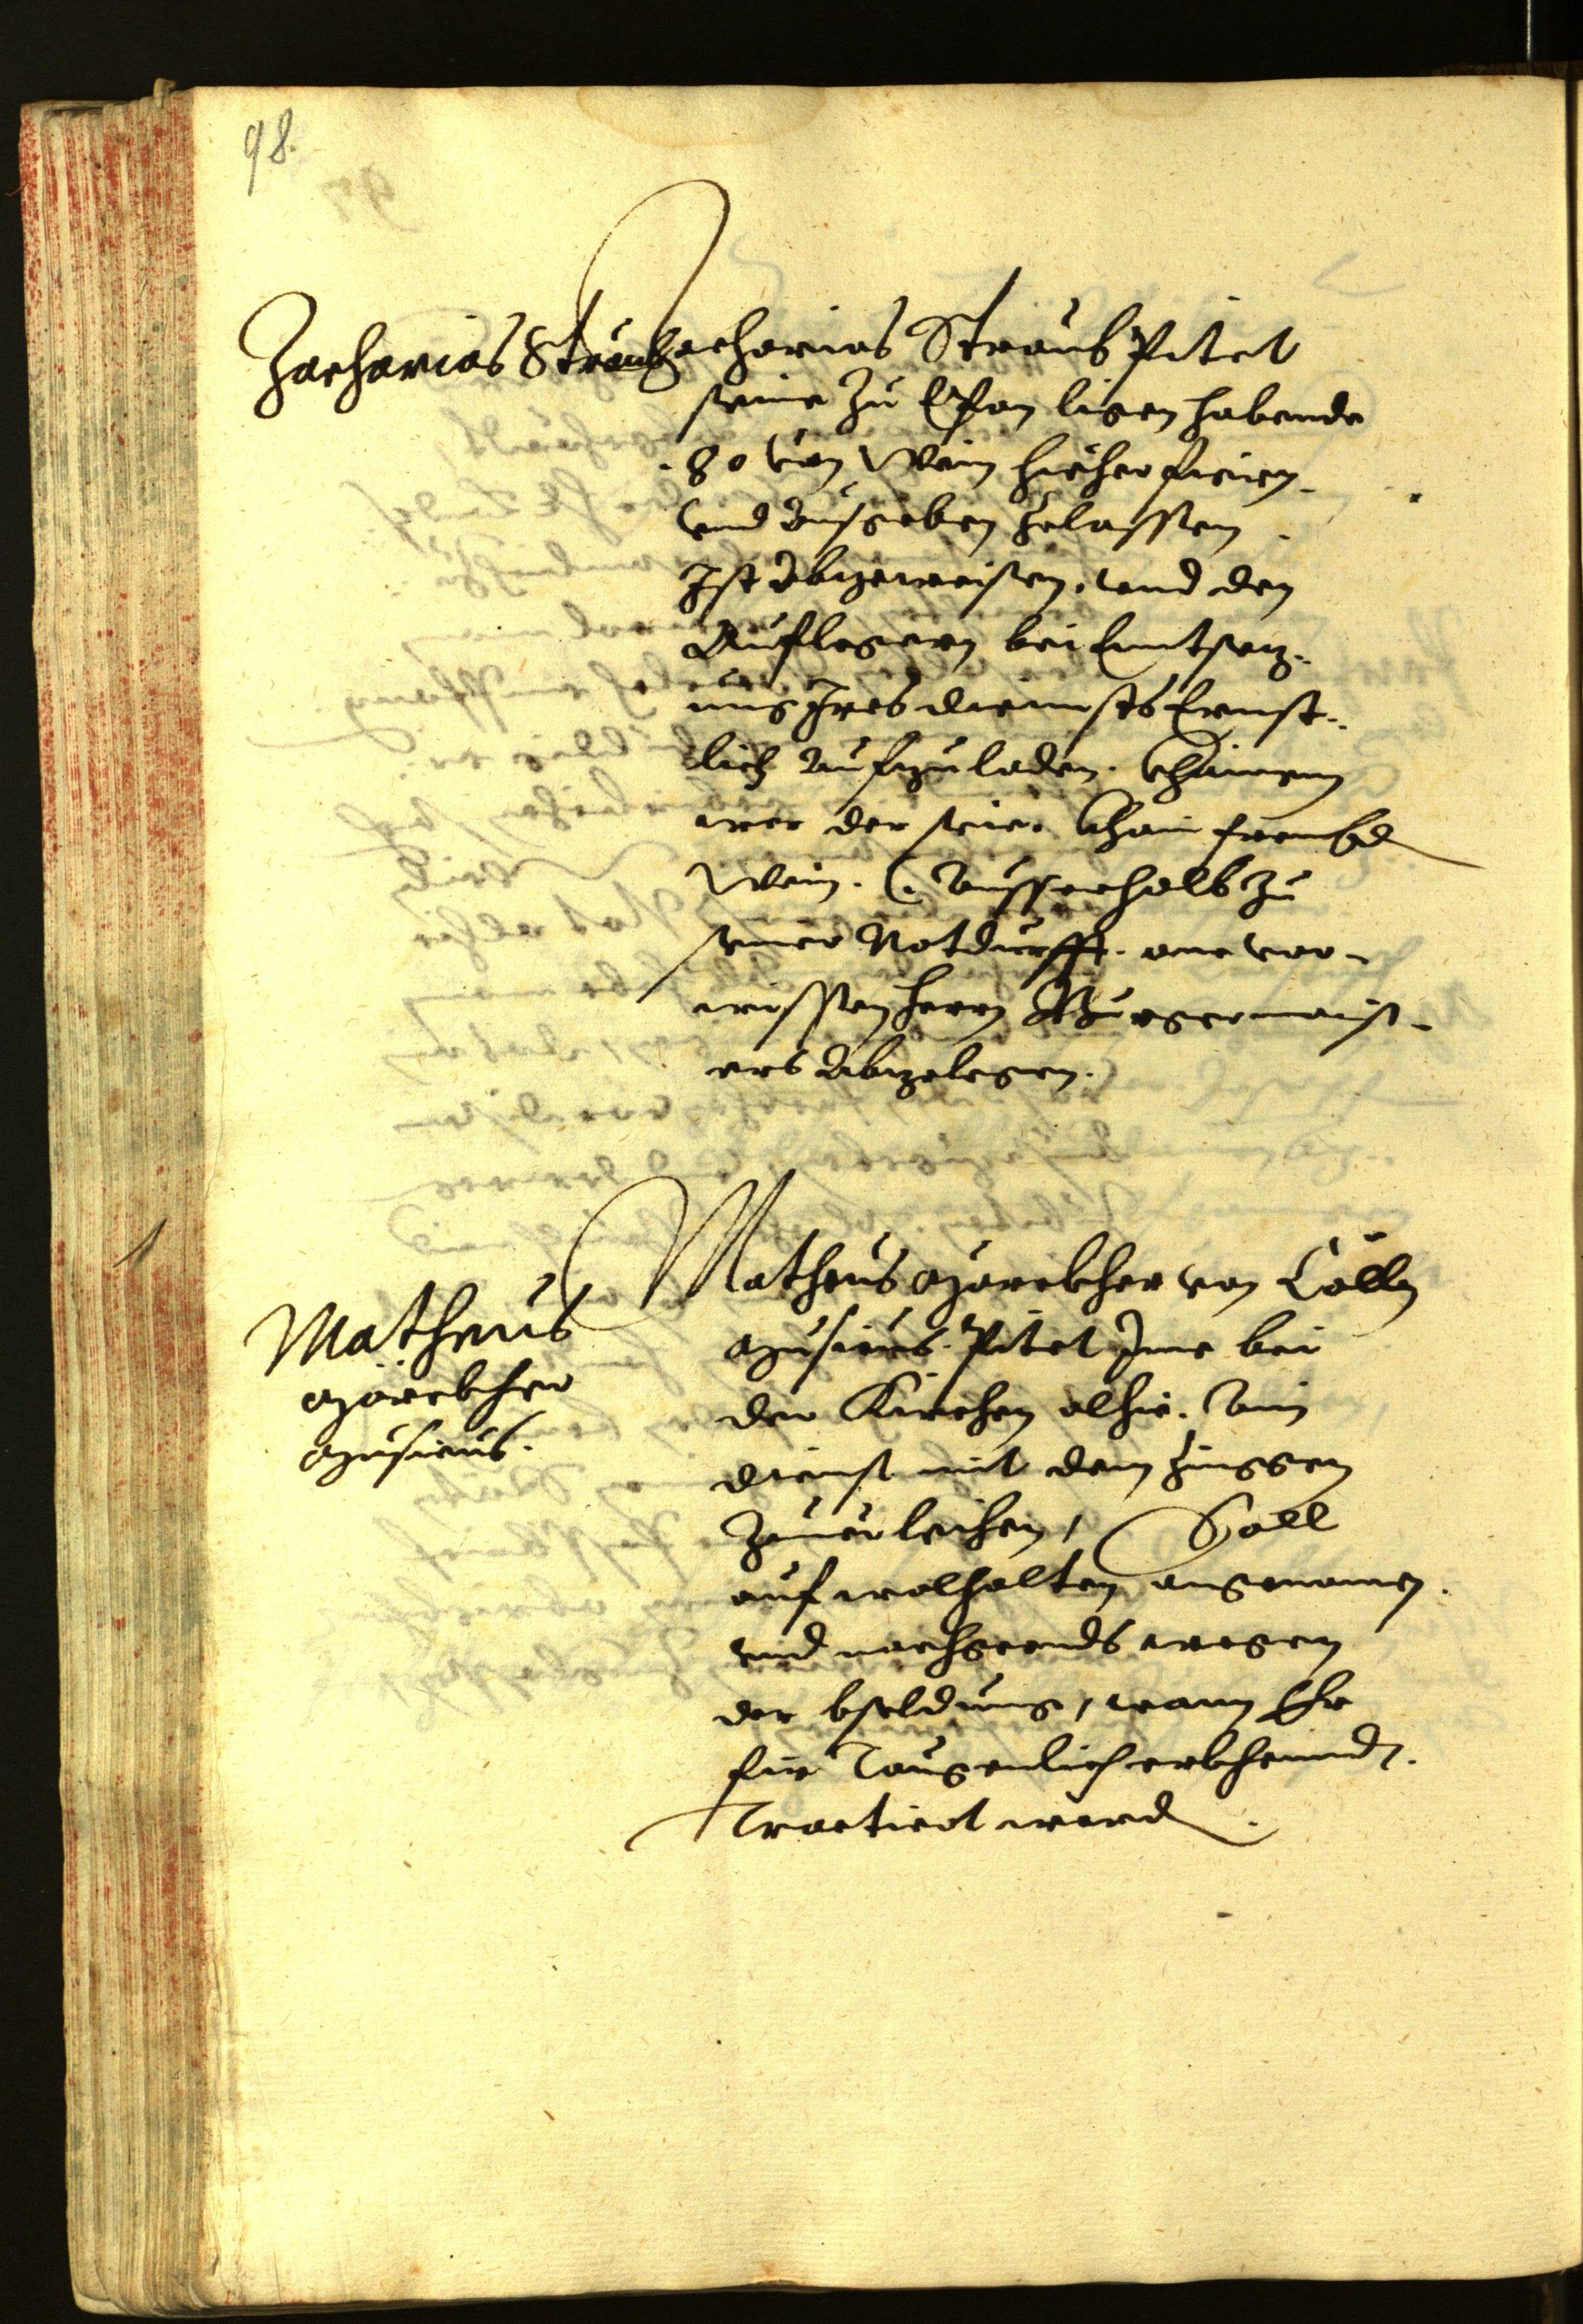98.
Zacharias Straūb Pitet
seine Zū Epan ligen habende
.80 v̄rn Wein hieher fiern.
vnd Aūsgeben Zelassen.
Ist Abzeweisen. vnd den
Aūflegern bei Enntsez¬
ūng Ihres diennsts Ernst¬
lich Aūfzūladen. khainem
wer der seie. khain frembd
Wein .(.Aūsserhalb Zū
Seiner Notdūrfft. one vor¬
wissen herrn Būrgermaist¬
ers Abzelegen.
Zacharias Straūb
Matheūs Mārckher von Cölln
Mūsicūs. Pitet Ime bei
der Kirchen alhie. Ain
dienst mit dem Zinggen
Zūūerleihen, Soll
aūf wolhalten angenomen.
vnd nachgeends wegen
der besoldūng, wann Er
fir Taūgenlich erkhenndt.
Tractiert werd.
Matheūs
Märckher
Mūsicūs.